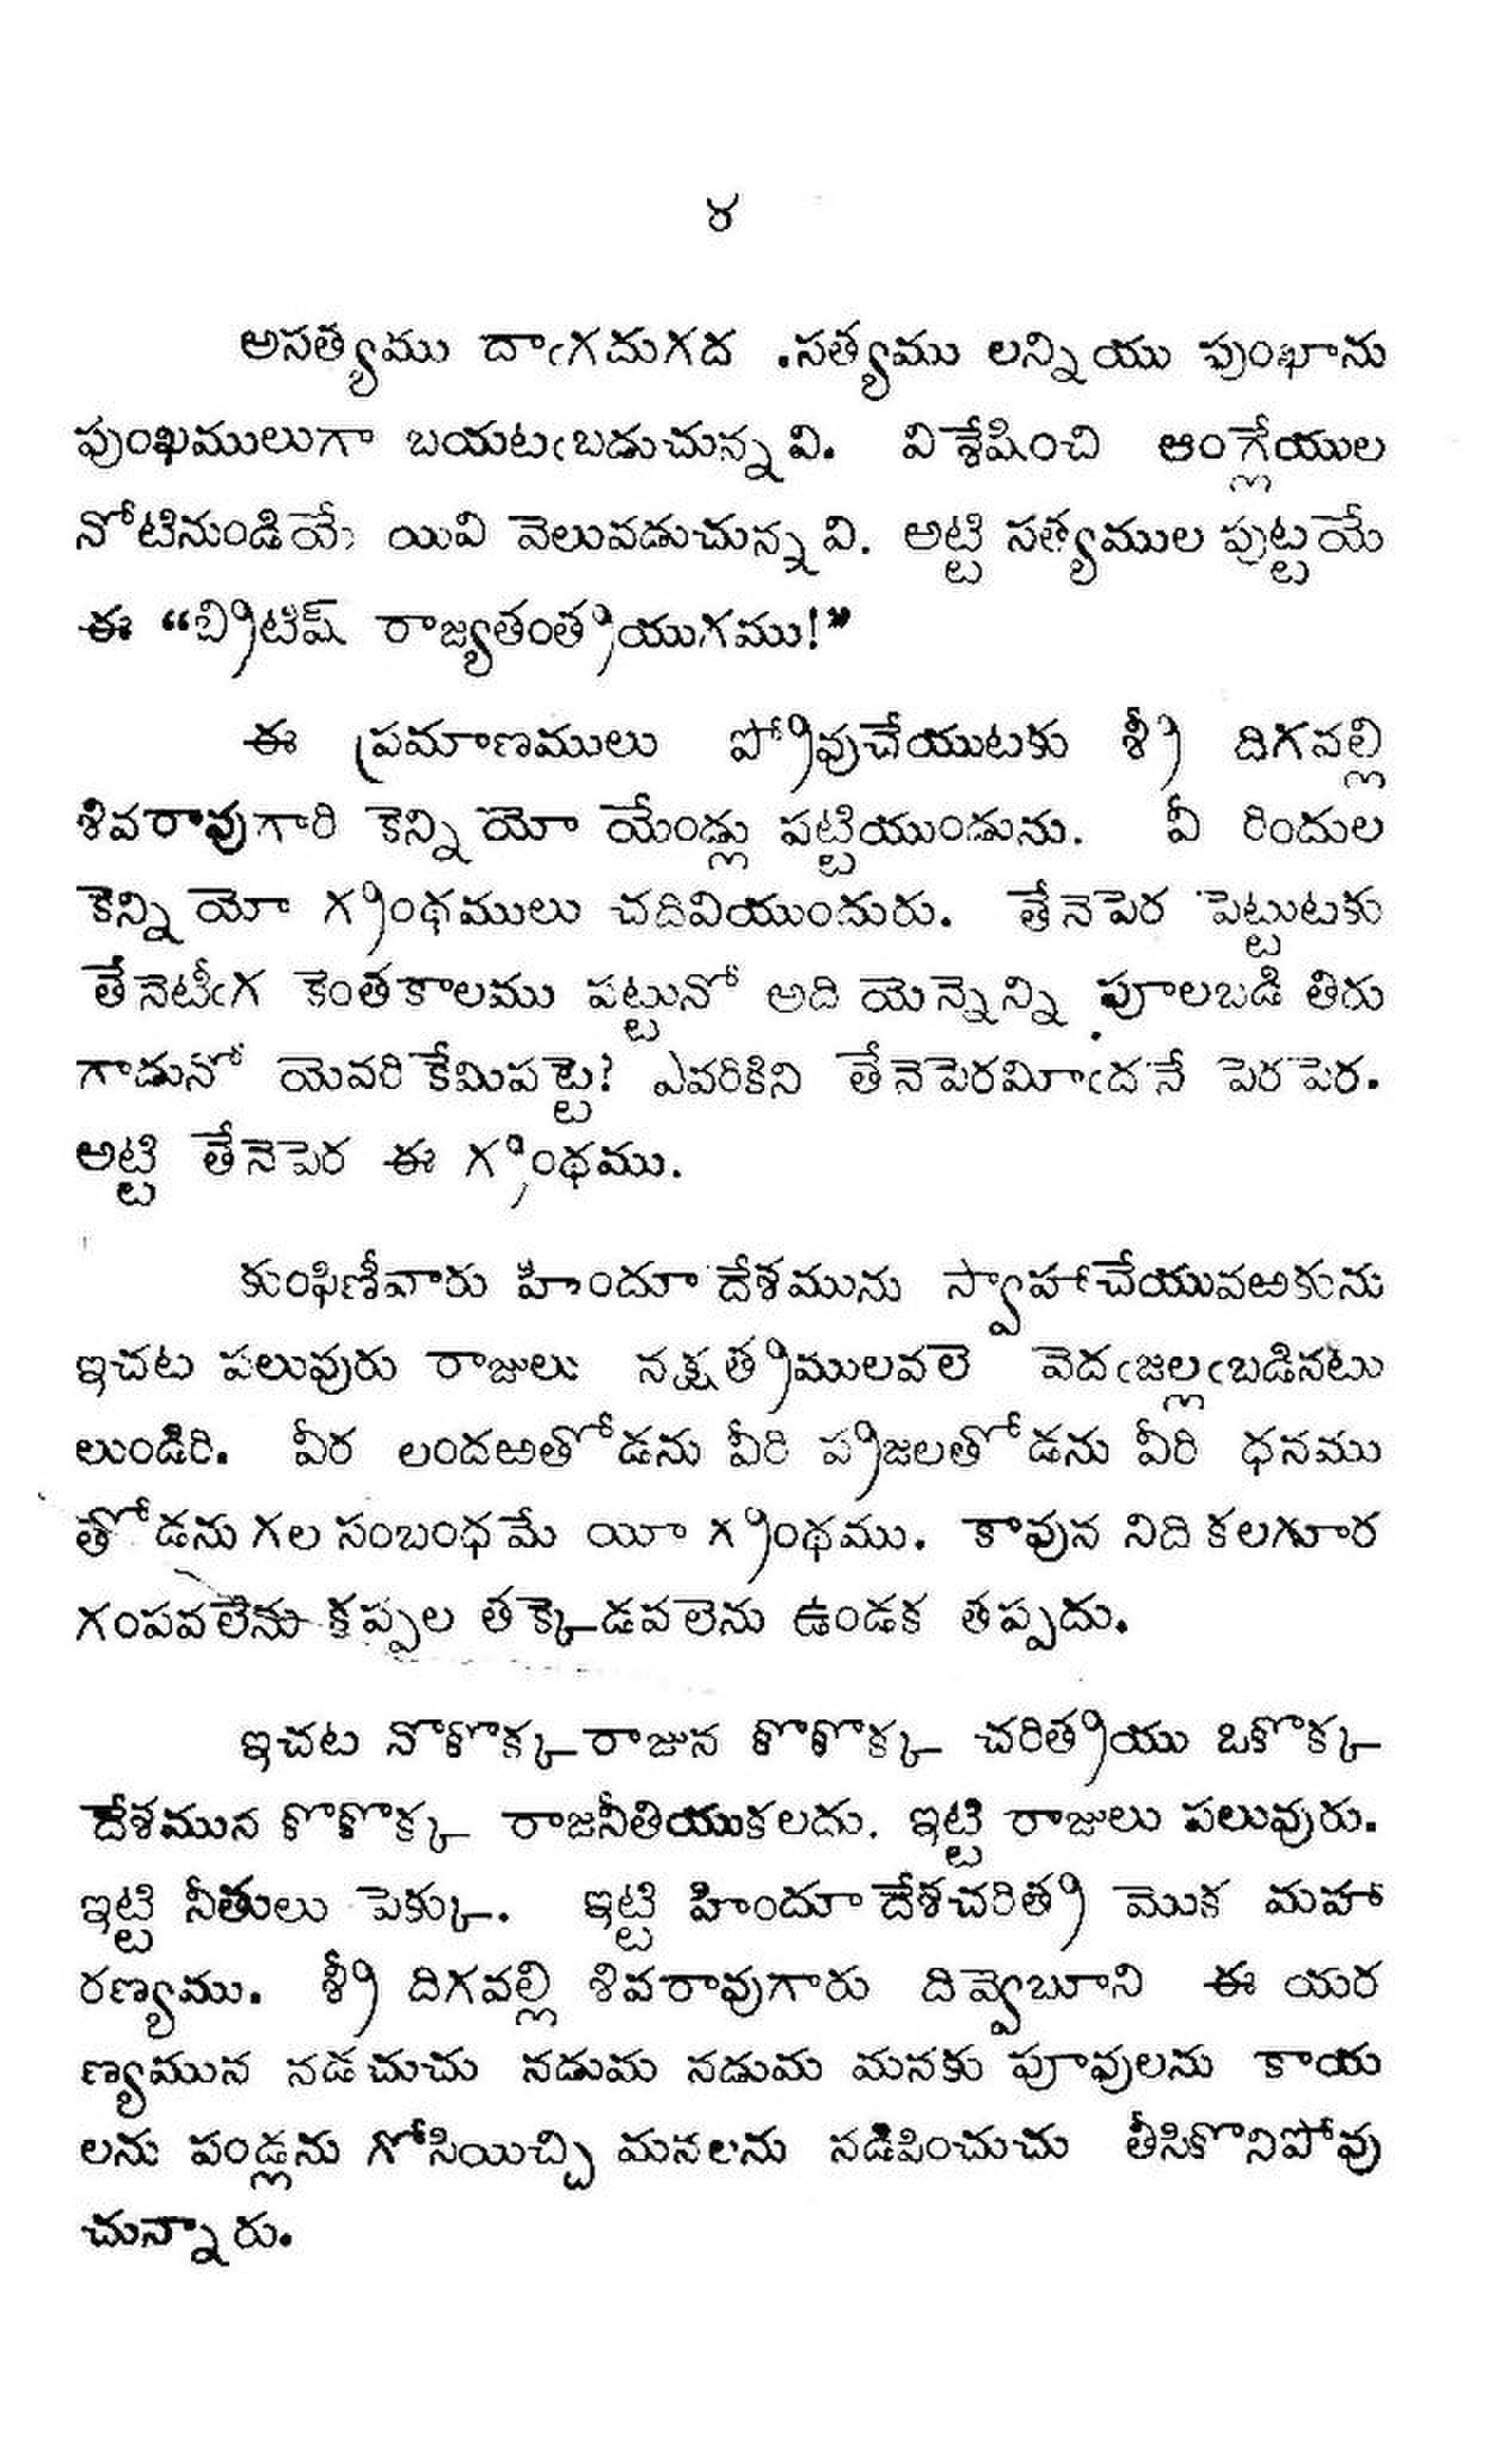అసత్యము దాఁగదుగద .సత్యము లన్నియు పుంఖాను పుంఖములుగా బయటఁబడుచున్నవి. విశేషించి ఆంగ్లేయుల నోటినుండియే యివి వెలువడుచున్నవి. అట్టి సత్యముల పుట్టయే ఈ "బ్రిటిష్ రాజ్యతంత్ర యుగము!"

ఈ ప్రమాణములు పోవుచేయుటకు శ్రీ దిగవల్లి శివరావు గారి కెన్నియో యేండ్లు పట్టియుండును. వీ రిందుల కెన్నియో గ్రంథములు చదివియుందురు. తేనెపెర 'పెట్టుటకు తేనెటీఁగ కెంతకాలము పట్టునో అది యెన్నెన్ని పూలబడి తిరుగాడునో యెవరి కేమీపట్టె? ఎవరికిని తేనెపెరమీఁద నే పెర పెర. అట్టి తేనె పెర ఈ గంథము.

కుంఫిణీవారు హిందూదేశమును స్వాహాచేయువఱకును ఇచట పలువురు రాజులు నక్షత్రములవలె వెదఁజల్లఁబడినటు లుండిరి. వీర లందఱతోడను వీరి ప్రజలతోడను వీరి ధనముతోడను గల సంబంధమే యీ గ్రంథము. కావున నిది కలగూర గంపవలెను కప్పల తక్కెడవలెను ఉండక తప్పదు.

ఇచట నొకొక్క రాజున కొకొక్క చరిత్రయు ఒకొక్క దేశమున కొకొక్క రాజనీతియుకలదు. ఇట్టి రాజులు పలువురు. ఇట్టి నీతులు పెక్కు, ఇట్టి హిందూ దేశచరిత్ర మొక మహారణ్యము. శ్రీ దిగవల్లి శివరావుగారు దివ్వెబూని ఈ యరణ్యమున నడచుచు నడుమ నడుమ మనకు పూవులను కాయలను పండ్లను గోసియిచ్చి మనలను నడిపించుచు తీసికొనిపోవు చున్నారు.